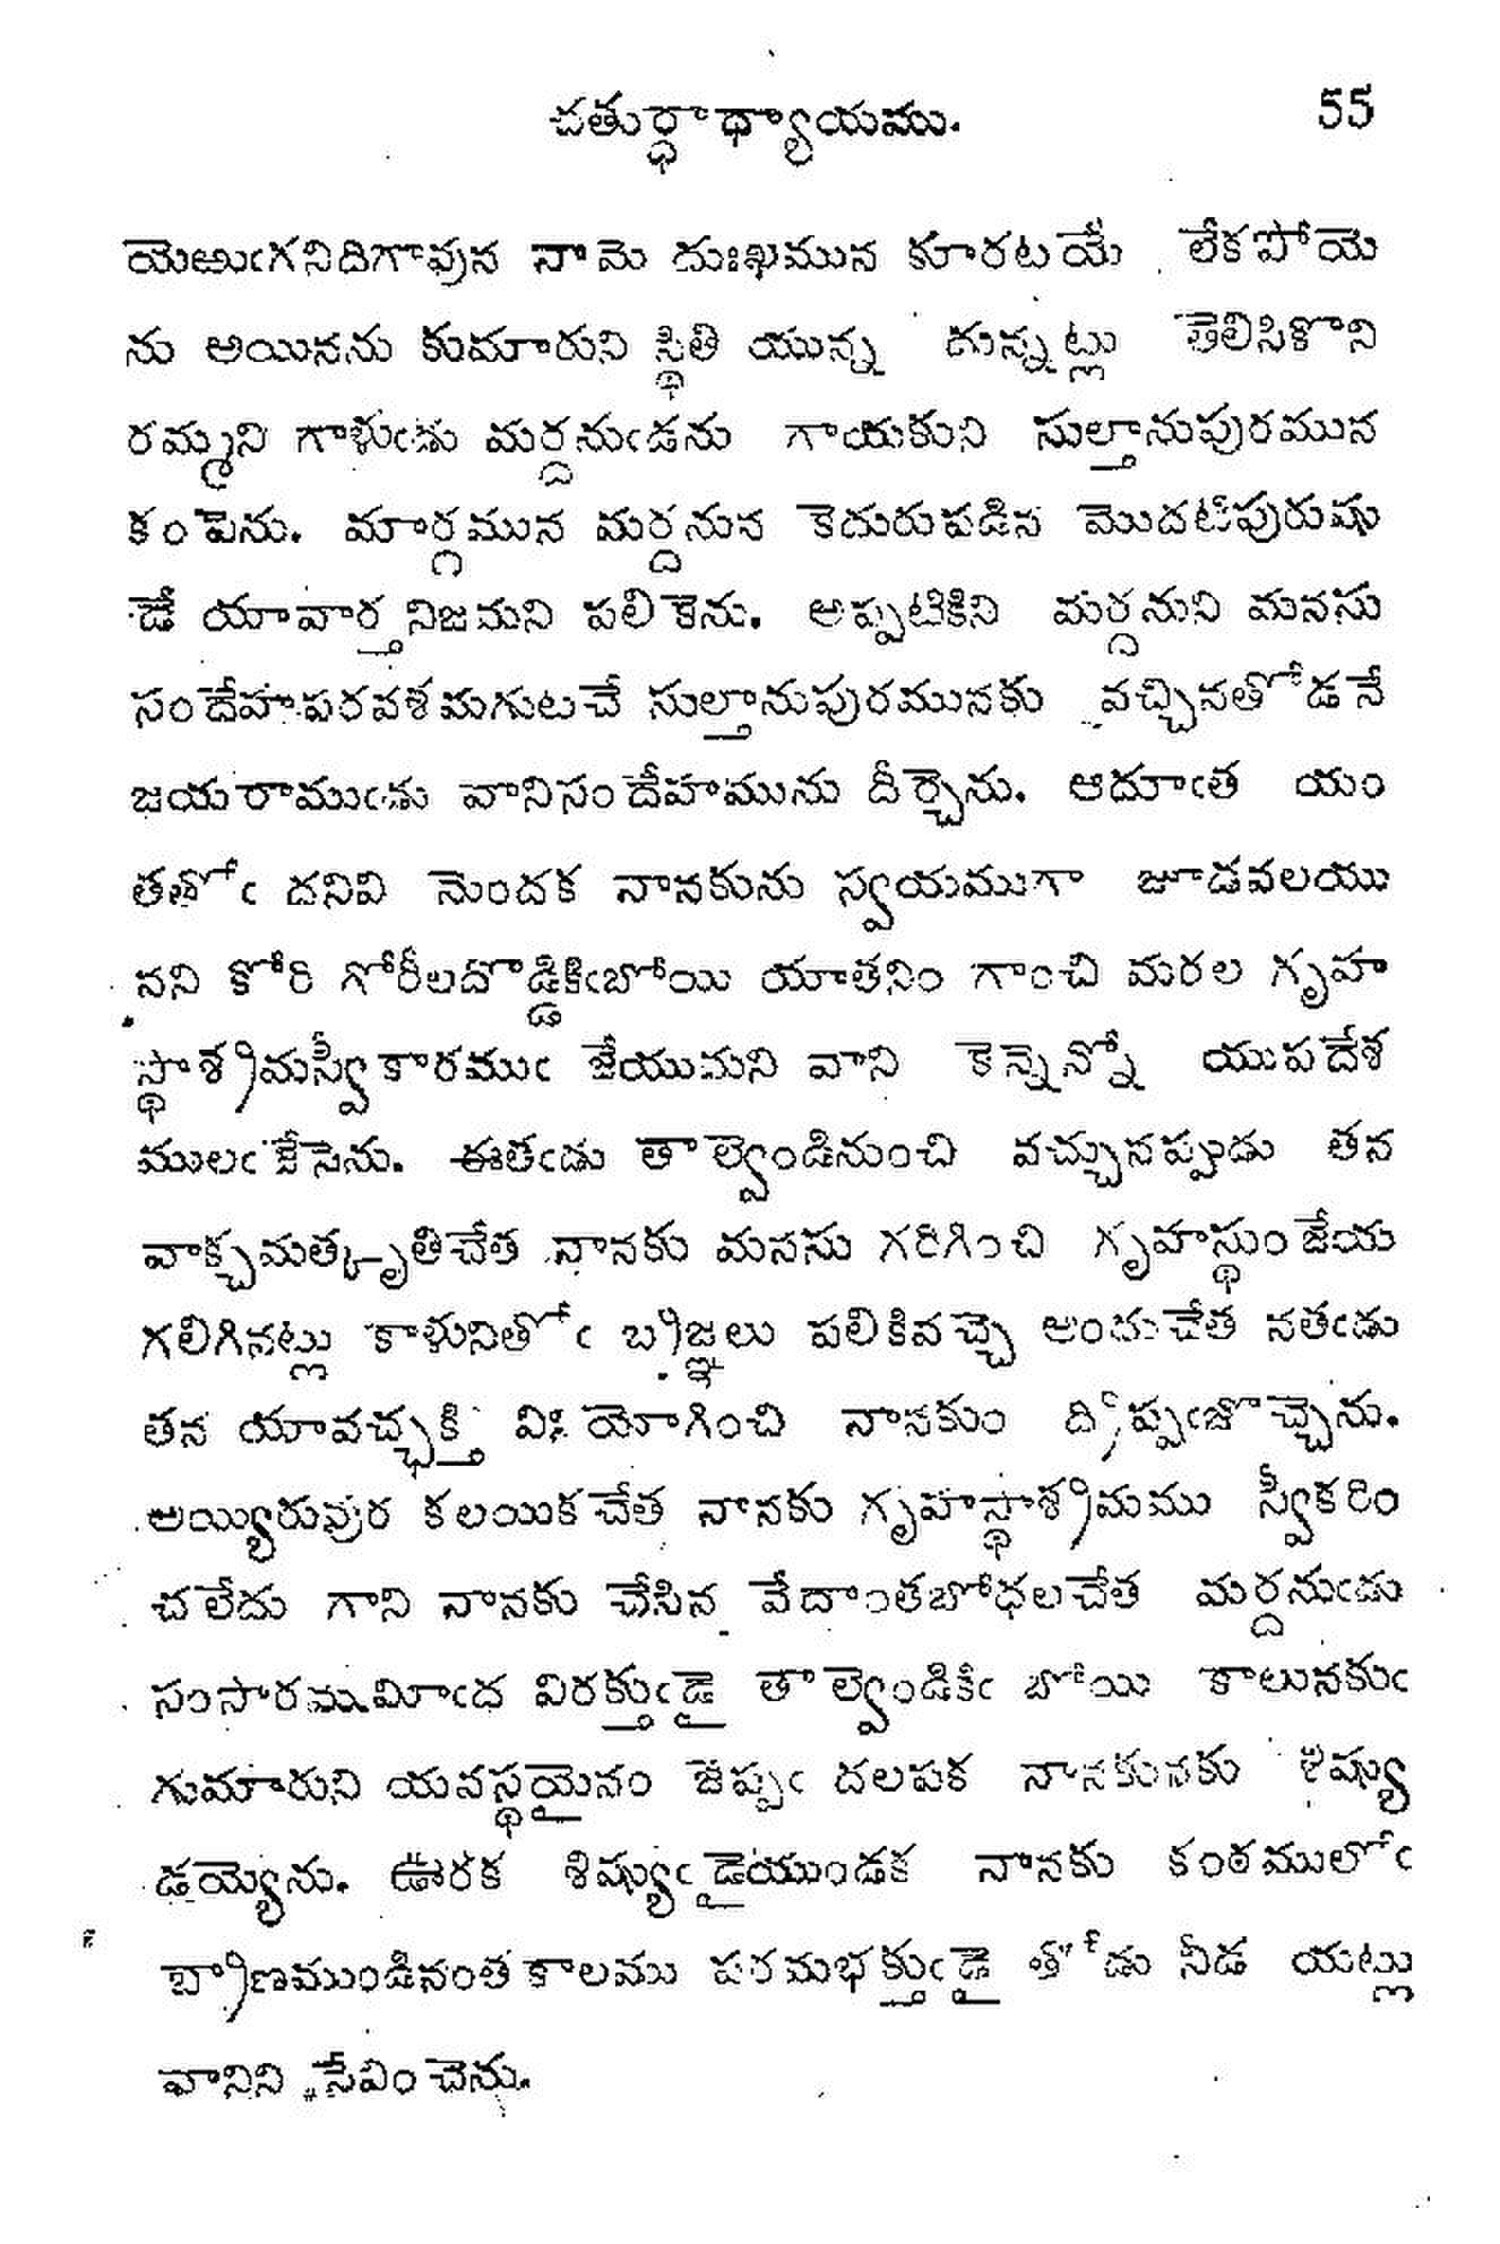యెఱుగనిదిగావున నామె దు:ఖమున కూరటయే లేకపోయెను అయినను కుమారుని స్థితి యున్న దున్నట్లు తెలిసికొని రమ్మని గాళుడు మర్దనుడను గాయకుని సుల్తానుపురమున కంపెను. మార్గమున మర్దనున కెదురుపడిన మొదటిపురుషుడే యావార్తనిజమని పలికెను. అప్పటికిని మర్దనుని మనసు సందేహపరవశమగుటచే సుల్తానుపురమునకు వచ్చినతోడనే జయరాముడు వానిసందేహమును దీర్చెను. ఆదూత యంతతో దనివి నొందక నానకును స్వయముగా జూడవలయునని కోరి గోరీలదొడ్డికిబోయి యాతనిం గాంచి మరల గృహస్థాశ్రమస్వీకారము జేయుమని వాని కెన్నెన్నో యుపదేశముల జేసెను. ఈతడు తాల్వెండినుంచి వచ్చినప్పుడు తన వాక్చమత్కృతిచేత నానకు మనసు గరిగించి గృహస్థుంజేయ గలిగినట్లు కాళునితో బ్రజ్ఞలు పలికివచ్చె అందుచేత నతడు తన యావచ్ఛక్తి వినియోగించి నానకుం ద్రిప్పజొచ్చెను. అయ్యిరువుర కలయికచేత నానకు గృహస్థాశ్రమము స్వీకరించలేదు గాని నానకు చేసిన వేదాంతబోధలచేత మర్దనుడు సంసారముమీద విరక్తుడై తాల్వెండికి బోయి కాలునకు గుమారుని యవస్థయైనం జెప్ప దలపక నానకునకు శిష్యుడయ్యెను. ఊరక శిష్యుడైయుండక నానకు కంఠములో బ్రాణముండినంత కాలము పరమభక్తుడై తోడు నీడ యట్లు వానిని సేవించెను.